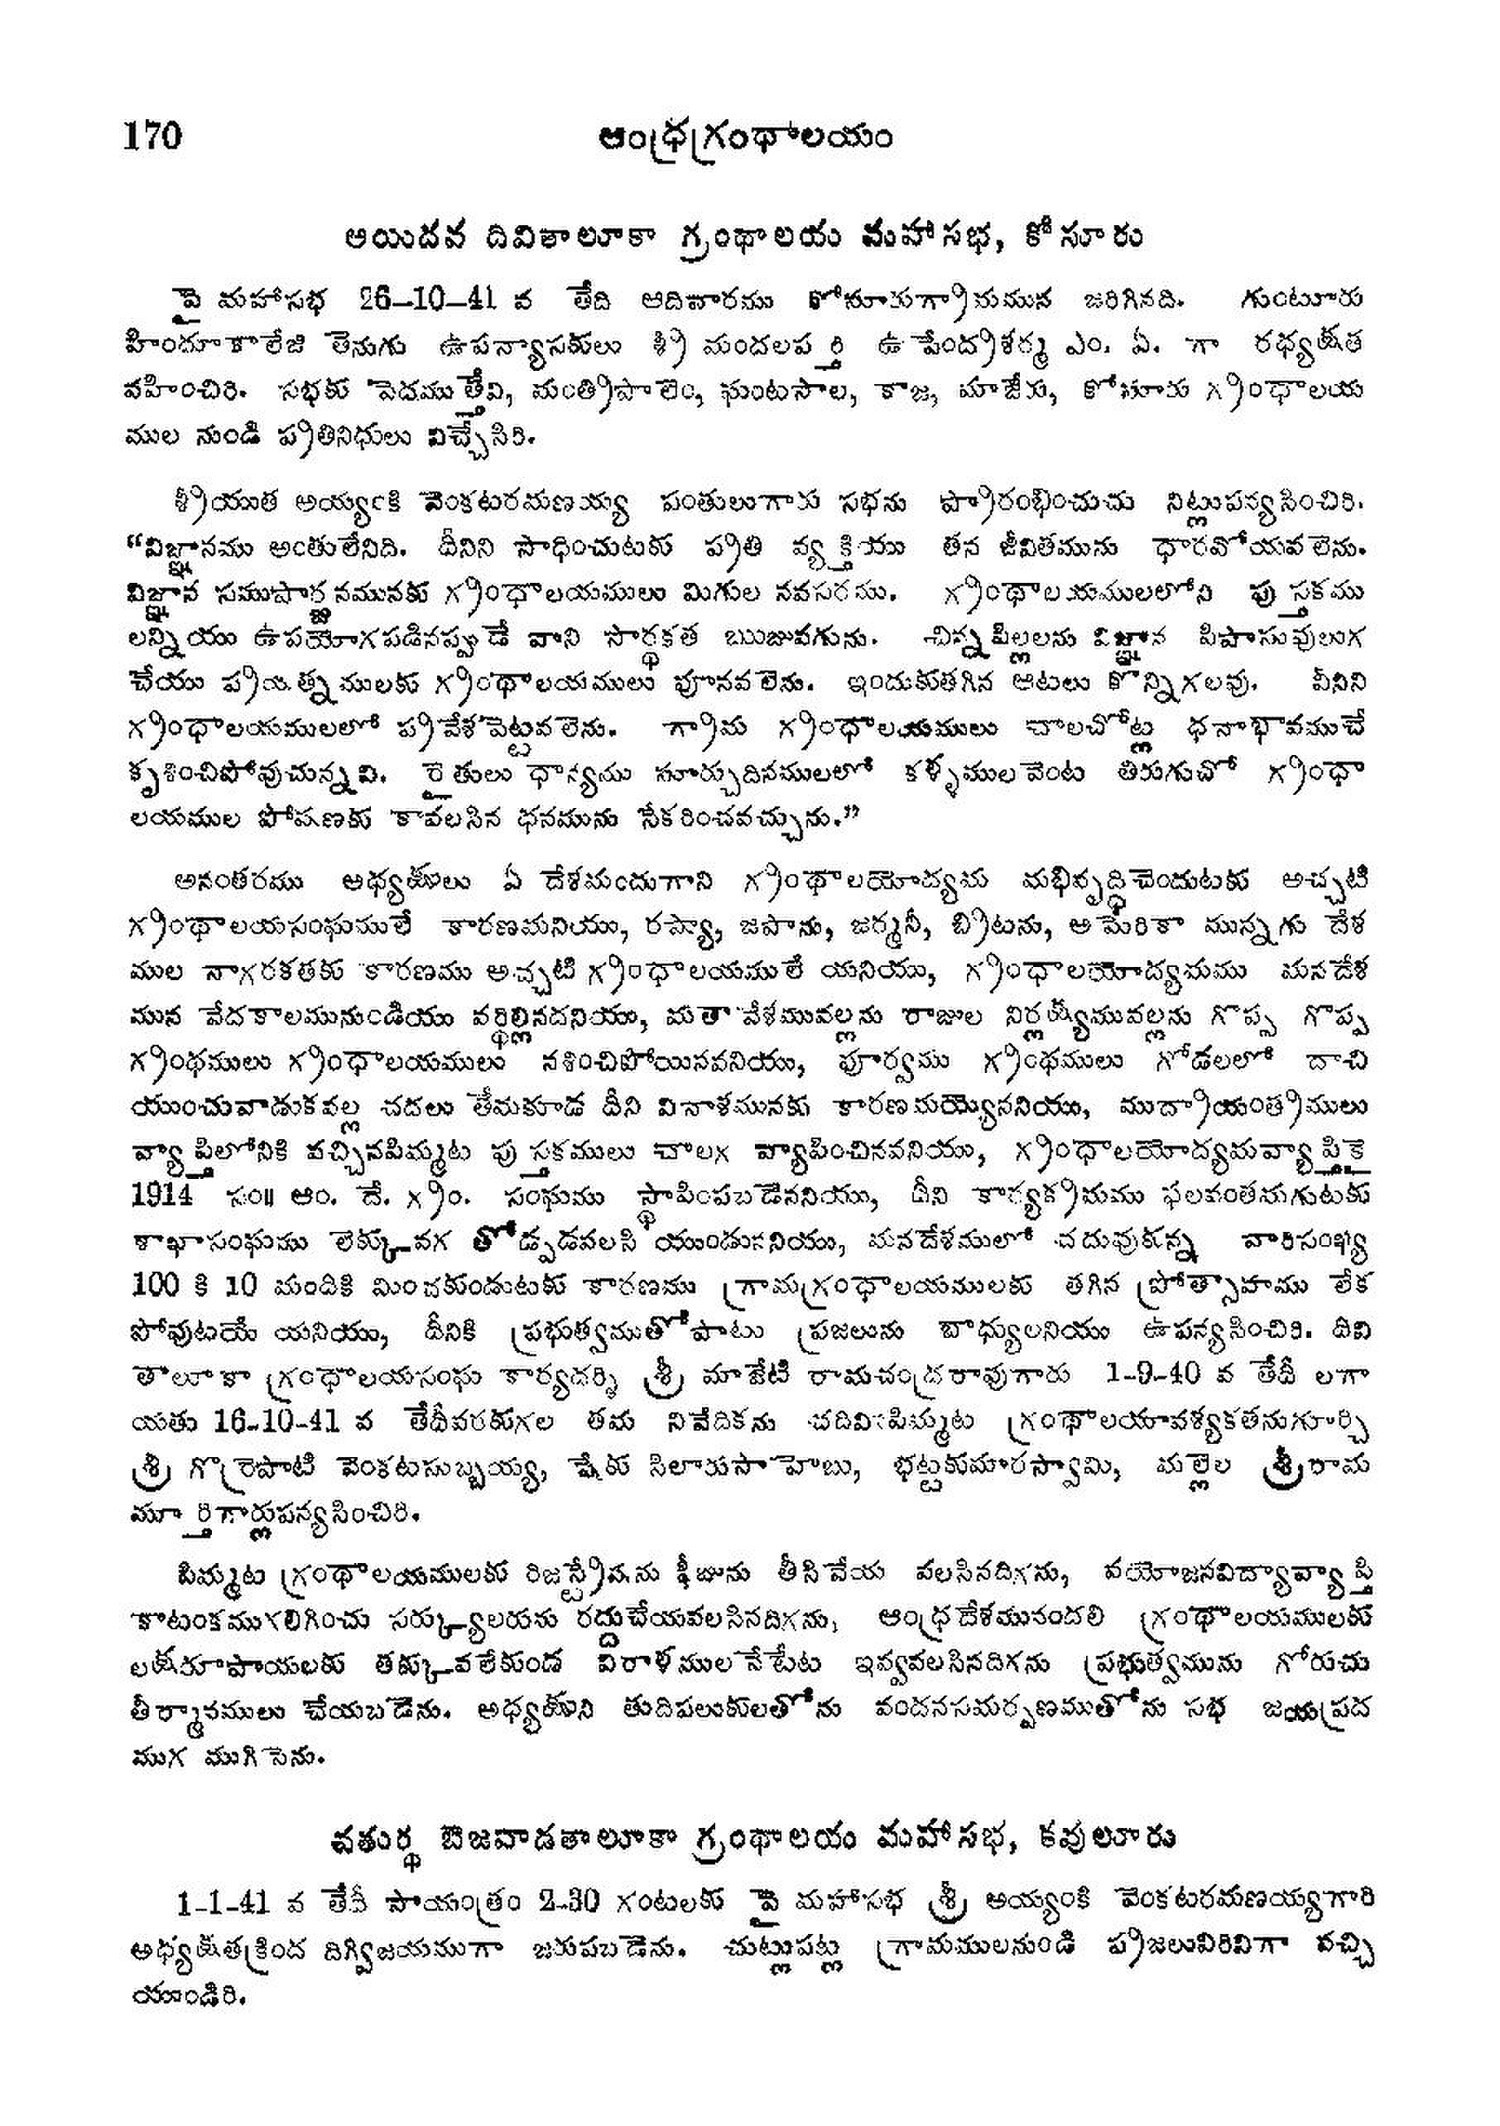పై మహాసభ 26–10–11 వ తేది ఆదివారము కోనూరుగామమున జరిగినది. గుంటూరు హిందూకాలేజి తెనుగు ఉపన్యాసకులు 
శ్రీ మందలపర్తి ఉపేంద్రశర్మ ఎం, ఏ. గారు అధ్యక్షత వహించిరి. సభకు 'పెదముత్తేవి, మంత్రి పాలెం, ఘంటసాల, కాజ, 
మాజీరు, కోసూరు గ్రంధాలయముల నుండి ప్రతినిధులు విచ్చేసిరి.

శ్రీయుత అయ్యంకి వెంకటరమణయ్య పంతులుగారు సభను ప్రారంభించుచు నిట్లుపన్యసించిరి. “విజ్ఞానము అంతులేనిది. దీనిని సాధించుటకు ప్రతి వ్యక్తియు తన జీవితమును ధారవోయవలెను. విజ్ఞాన సముపార్జనమునకు గ్రంధాలయములు మిగులనవసరము. గ్రంథాలయములలోని పుస్తకము లన్నియు ఉపయోగపడినప్పుడే వాని సార్థకత ఋజువగును. చిన్న పిల్లలను విజ్ఞాన పిపాసువులుగ
చేయు ప్రయత్నములకు గ్రంథాలయములు పూనవలెను. ఇందుకుతగిన ఆటలు కొన్నిగలవు. గ్రంధాలయములలో ప్రవేశపెట్టవలెను. 
గ్రామ గ్రంధాలయములు చాలచోట్ల ధనాభావముచే కృశించిపోవుచున్నవి. రైతులు ధాన్యము నూర్చుదినములలో కళ్ళములవెంట 
తిరుగుచో గ్రంధాలయముల పోషణకు కావలసిన ధనమును సేకరించవచ్చును.”

అనంతరము అధ్యక్షులు ఏ దేశమందుగాని గ్రంథాలయోద్యమ మభివృద్ధి చెందుటకు అచ్చటి గ్రంథాలయసంఘములే 
కారణమనియు, రష్యా, జపాను, జర్మనీ, బిటను, అమెరికా మున్నగు దేశముల నాగరకతకు కారణము అచ్చటి గ్రంధాలయములే యనియు, గ్రంధాలయోద్యమము మన దేశమున వేదకాలమునుండియు వర్ధిల్లినదనియు, మతావేశమువల్లను రాజుల 
నిర్లక్ష్యమువల్లను గొప్ప గొప్ప గ్రంధములు గ్రంధాలయములు నశించిపోయినవనియు, పూర్వము గ్రంథములు గోడలలో దాచి
యుంచువాడుకవల్ల చదలు తేమకూడ దీని వినాశమునకు కారణమయ్యెననియు, ముద్రా యంత్రములు వ్యాప్తిలోనికి వచ్చినపిమ్మట పుస్తకములు చాలగ వ్యాపించినవనియు, గ్రంధాలయోద్యమవ్యాప్తికై 1914 సం॥ ఆం.దే.సంఘము స్థాపింపబడేననియు, దీని 
కార్యక్రమము ఫలవంతముగుటకు శాఖాసంఘము లెక్కువగ తోడ్పడవలసి యుండుననియు, మనదేశములో చదువుకున్న వారిసంఖ్య
100 కి 10 మందికి మించకుండుటకు కారణము గ్రామగ్రంధాలయములకు తగిన ప్రోత్సాహము లేకపోవుటయేయనియు, దీనికి ప్రభుత్వముతోపాటు ప్రజలును బాధ్యులనియు ఉపన్యసించిరి. దీవి తాలూకా గ్రంధాలయ సంఘ కార్యదర్శి శ్రీ మాజేటి 
రామచంద్రరావు గారు 1-9-40 వ తేదీ లగాయతు 16-10-41 వ తేదీవరకుగల తమ నివేదికను చదివి పిమ్మట గ్రంథాలయావశ్యకతను
గూర్చి శ్రీ గొర్రెపాటి వెంకటసుబ్బయ్య, షేరు సిలారు సాహెబు, భట్టకుమారస్వామి, మల్లెల శ్రీరామమూర్తి గార్లుపన్యసించిరి.

పిమ్మట గ్రంథాలయములకు రిజస్ట్రేషను ఫీజును తీసివేయ వలసినదిగను, వయోజనవిద్యావ్యాప్తి కాటంకముగలిగించు సర్క్యులరును రద్దుచేయవలసినదిగను, ఆంధ్రదేశమునందలి గ్రంథాలయములకు లక్షరూపాయలకు తక్కువ లేకుండ విరాళముల నేటేట ఇవ్వవలసినదిగను ప్రభుత్వమును గోరుచు తీర్మానములు చేయబడెను. అధ్యక్షుని తుదిపలుకులతోను వందన సమర్పణముతోను 
సభ జయప్రదముగ ముగిసేను.

1-1-41 వ తేదీ సాయంత్రం 2.30 గంటలకు పై మహాసభ శ్రీ అయ్యంకి వెంకటరమణయ్య గారి అధ్యక్షతక్రింద దిగ్విజయముగా జరుపబడెను. చుట్టుపట్లచుటుపట్ల గ్రామములనుండి ప్రజలు విరివిగా వచ్చి యాండిరి.